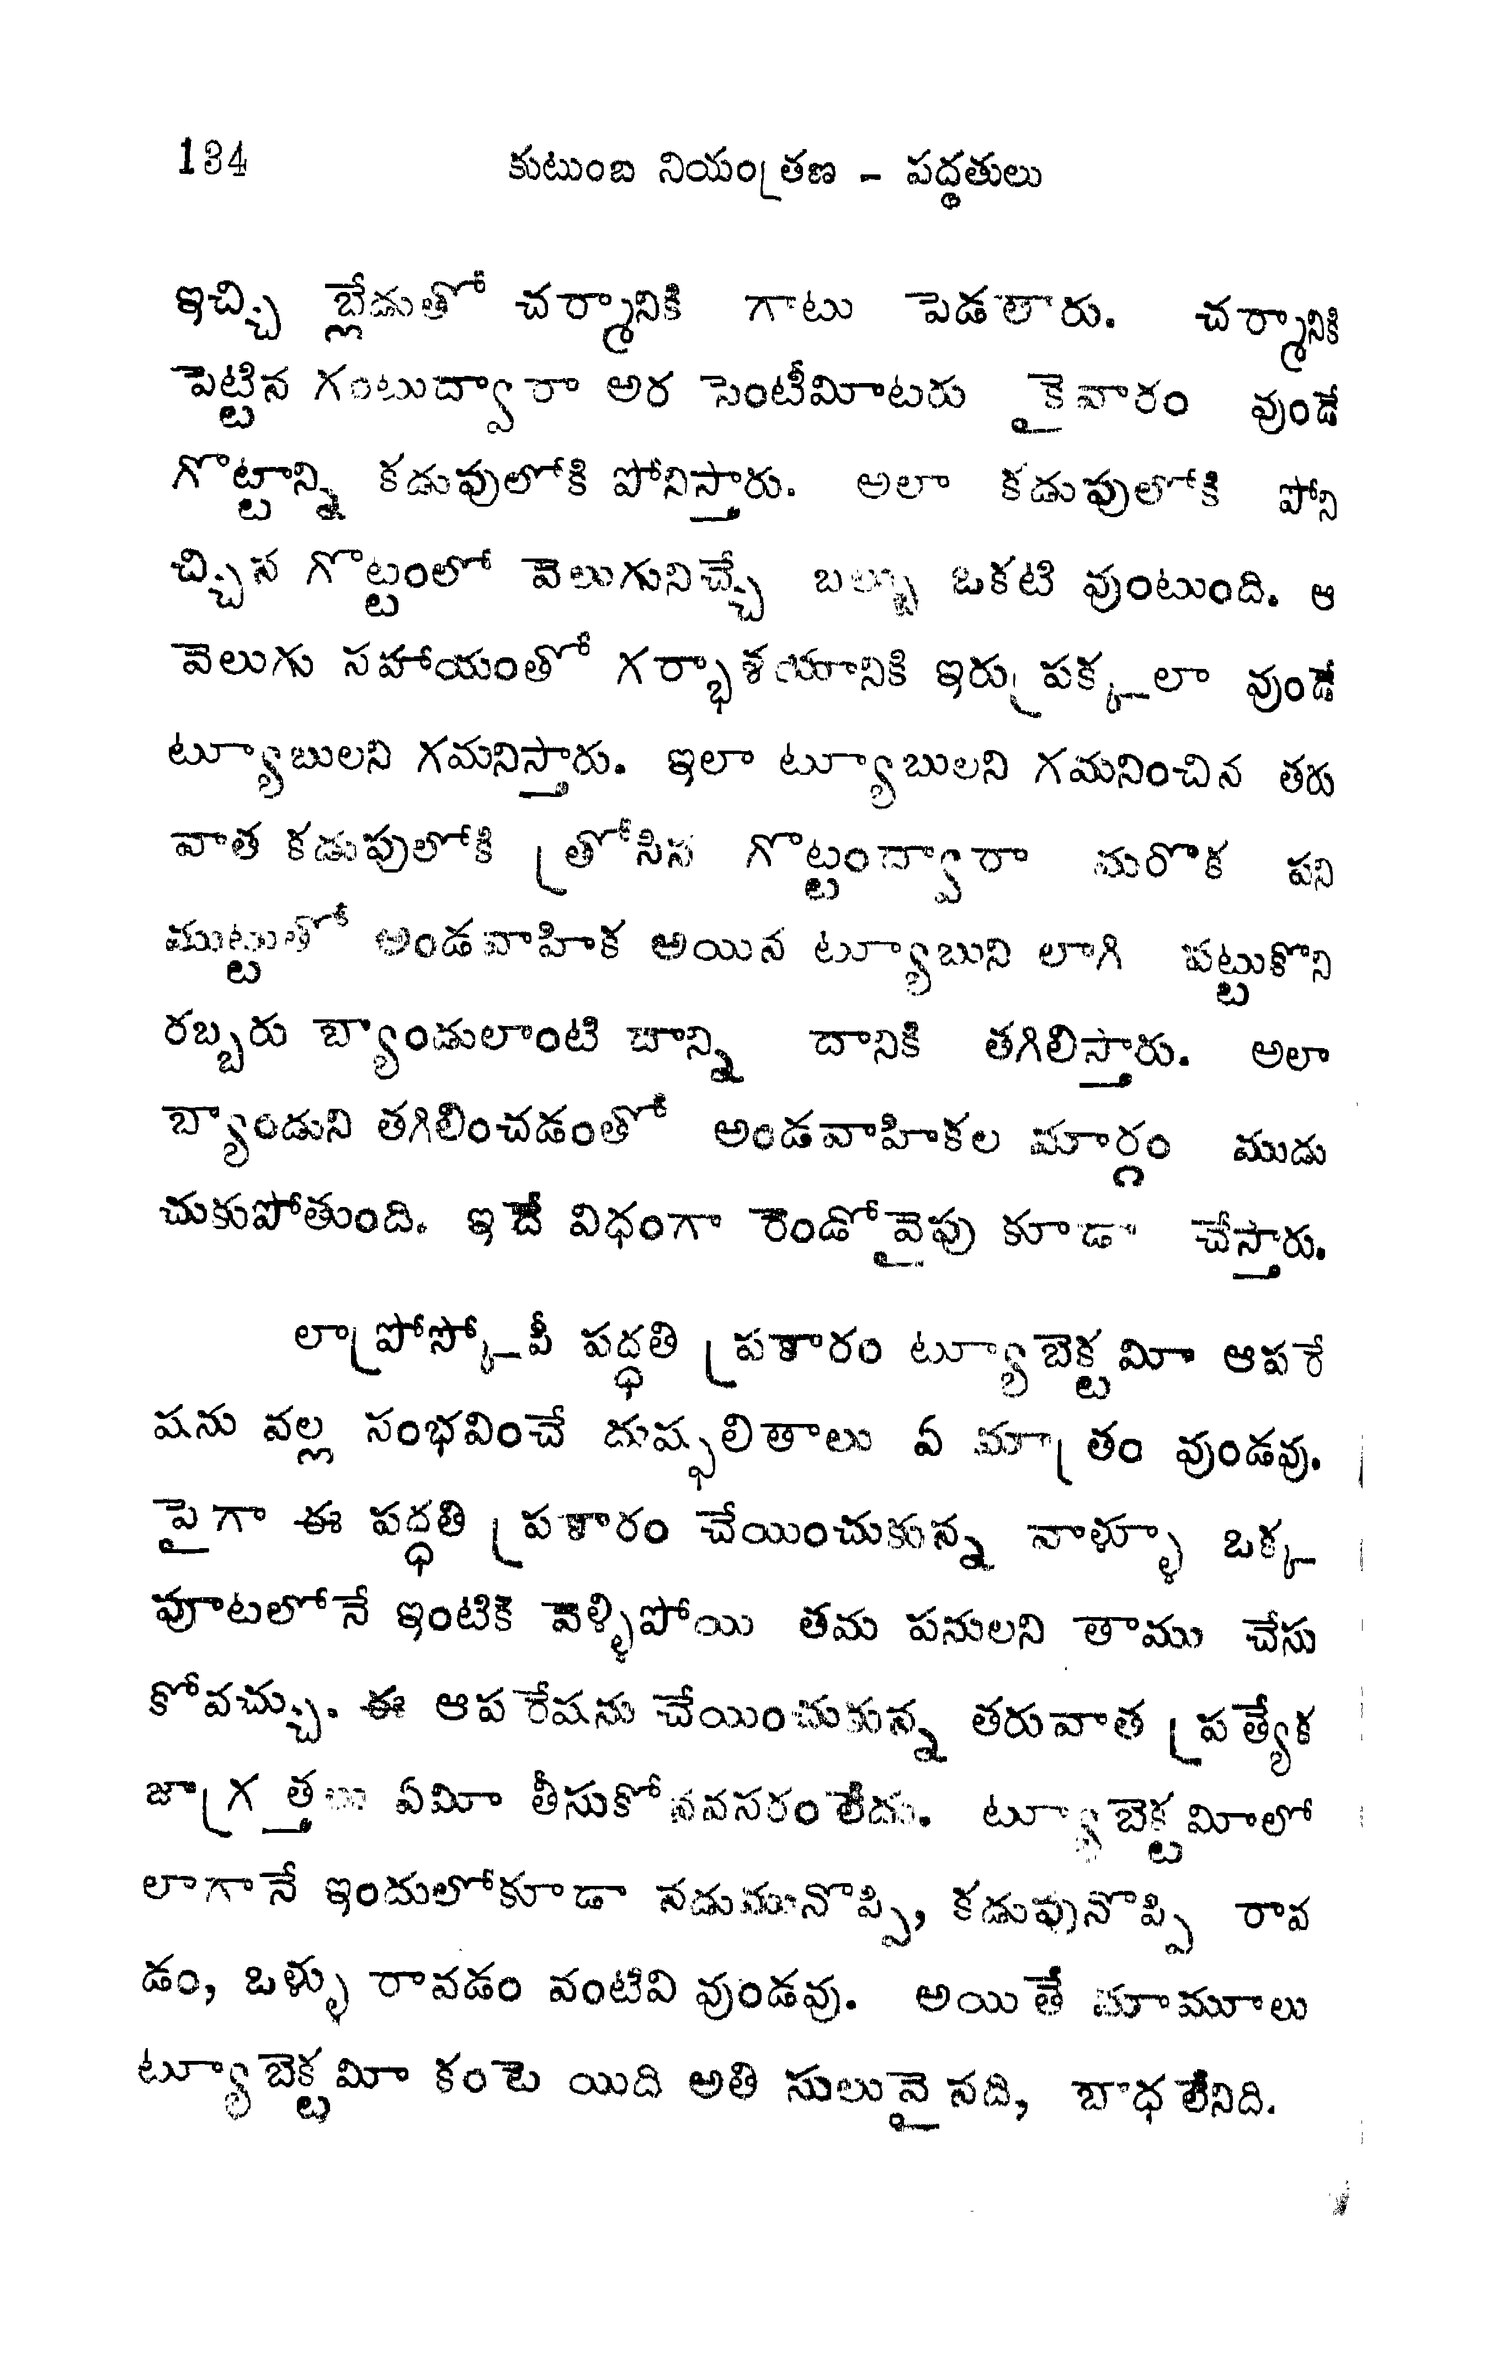ఇచ్చి బ్లేడుతో చర్మానికి గాటు పెడతారు. చర్మానికి పెట్టిన గంటుద్వారా అర సెంటీమీటరు కైవారం వుండే గొట్టాన్ని కడుపులోకి పోనిస్తారు. అలా కడుపులోకి పోనిచ్చిన గొట్టంలో వెలుగునిచ్చే బల్బు ఒకటి వుంటుంది. ఆ వెలుగు సహాయంతో గర్భాశయానికి ఇరుప్రక్కలా వుండే ట్యూబులని గమనిస్తారు. ఇలా ట్యూబులని గమనించిన తరువాత కదుపులోకి త్రోసిన గొట్టంద్వారా మరొక పనిముట్టుతో అండవాహిక అయిన ట్యూబుని లాగి పట్టుకొని రబ్బరు బ్యాండులాంటి చాన్ని దానికి తగిలిస్తారు. అలా బ్యాండుని తగిలిచడంతో అండవాహికం మార్గం ముడుచుకుపోతుంది. ఇదే విధంగా రెండోవైపు కూడా చేస్తారు.

లాప్రోస్కోపీ పద్ధతి ప్రకారం ట్యూబెక్టమీ ఆపరేషను వల్ల సంబవించే దుష్పలితాలు ఏ మాత్రం వుండవు. పైగా ఈ పద్ధతి ప్రకారం చేయించుకున్న వాళ్ళూ ఒక్కపూటలోనే ఇంటికి వెళ్ళిపోయి తమ పనులని తాము చేసుకోవచ్చు. ఈ ఆపరేషను చేయించుకున్న తరువాత ప్రత్యేక జాగ్రత్తలు ఏమీ తీసుకోనవసరం లేదు. ట్యూబెక్టమీలో లాగానే ఇందులోకూడా నడుమునొప్పి, కడుపునొప్పి రావడం, ఒళ్ళు రావడం వంటివి వుండవు. అయితే మామూలు ట్యూబెక్టమీ కంటె యిది అతి సులువైనది, భాధలేనిది.